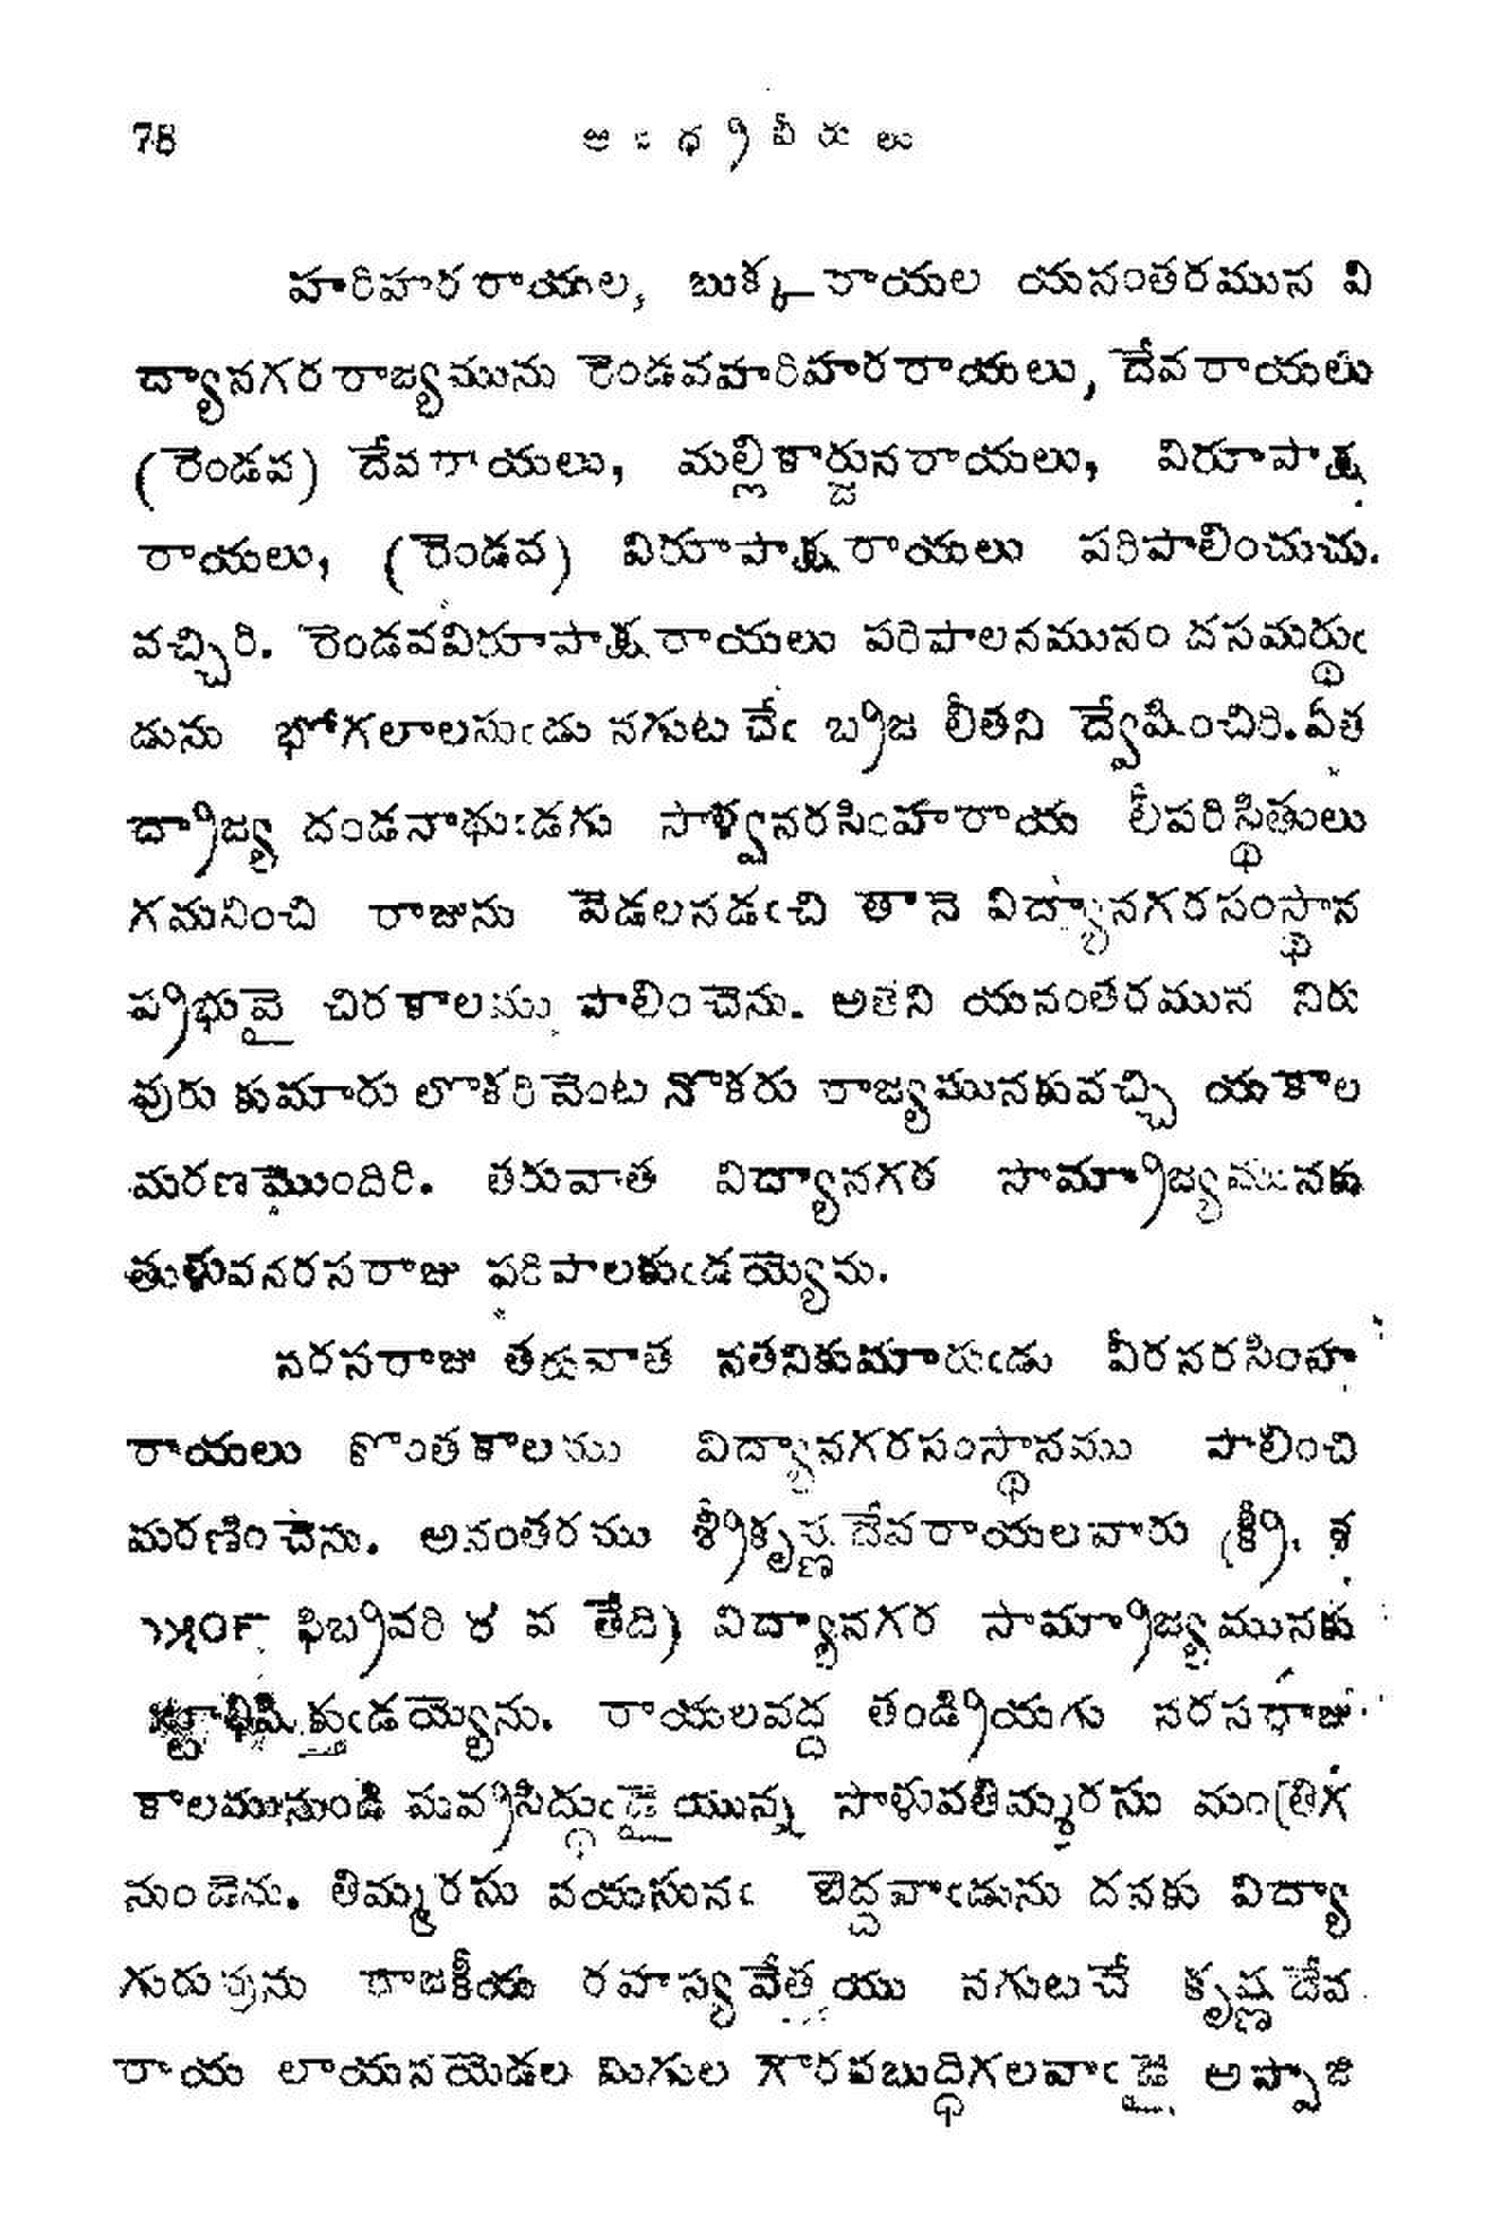హరిహరరాయల, బుక్కరాయల యనంతరమున విద్యానగరరాజ్యమును రెండవహరిహరరాయలు, దేవరాయలు(రెండవ) దేవరాయలు, మల్లికార్జునరాయలు, విరూపాక్ష రాయలు, (రెండవ) విరూపాక్షరాయలు పరిపాలించుచు వచ్చిరి. రెండవ విరూపాక్షరాయలు పరిపాలనమునం దనసమర్థుడును భోగలాలసుడు నగుటచే బ్రజ లీతని ద్వేషించిరి. ఏతద్రాజ్య దండనాథు:డగు సాళ్వనరసింహరాయ లీపరిస్థితులు గమనించి రాజును వెడలనడచి తానె విద్యానగరసంస్థాన ప్రభువై చిరకాలము పాలించెను. అతని యనంతరమున నిరువురు కుమారు లొకరివెంట నొకరు రాజ్యమునకువచ్చి యకాల మరణమొందిరి. తరువాత విద్యానగర సామ్రాజ్యమునకు తుళువనరసరాజు పరిపాలకుడయ్యెను.

నరసరాజు తరువాత నతనికుమారుడు వీరనరసింహరాయలు కొంతకాలము విద్యానగరసంస్థానము పాలించి మరణించెను. అనంతరము శ్రీకృష్ణదేవరాయలవారు (క్రీ.శ. 1509 ఫిబ్రవరి 4 వ తేది) విద్యానగర సామ్రాజ్యమునకు పట్టాభిషిక్తుడయ్యెను. రాయలవద్ద తండ్రియగు నరసరాజుకాలమునుండి సుప్రసిద్ధుడై యున్న సాళువతిమ్మరసు మంత్రిగ నుండెను. తిమ్మరసు వయసున బెద్దవాడును దనకు విద్యాగురువును రాజకీయ రహస్యవేత్తయు నగుటచే కృష్ణదేవరాయ లాయనయెడల మిగుల గౌరవబుద్ధిగలవాడై అప్పాజి